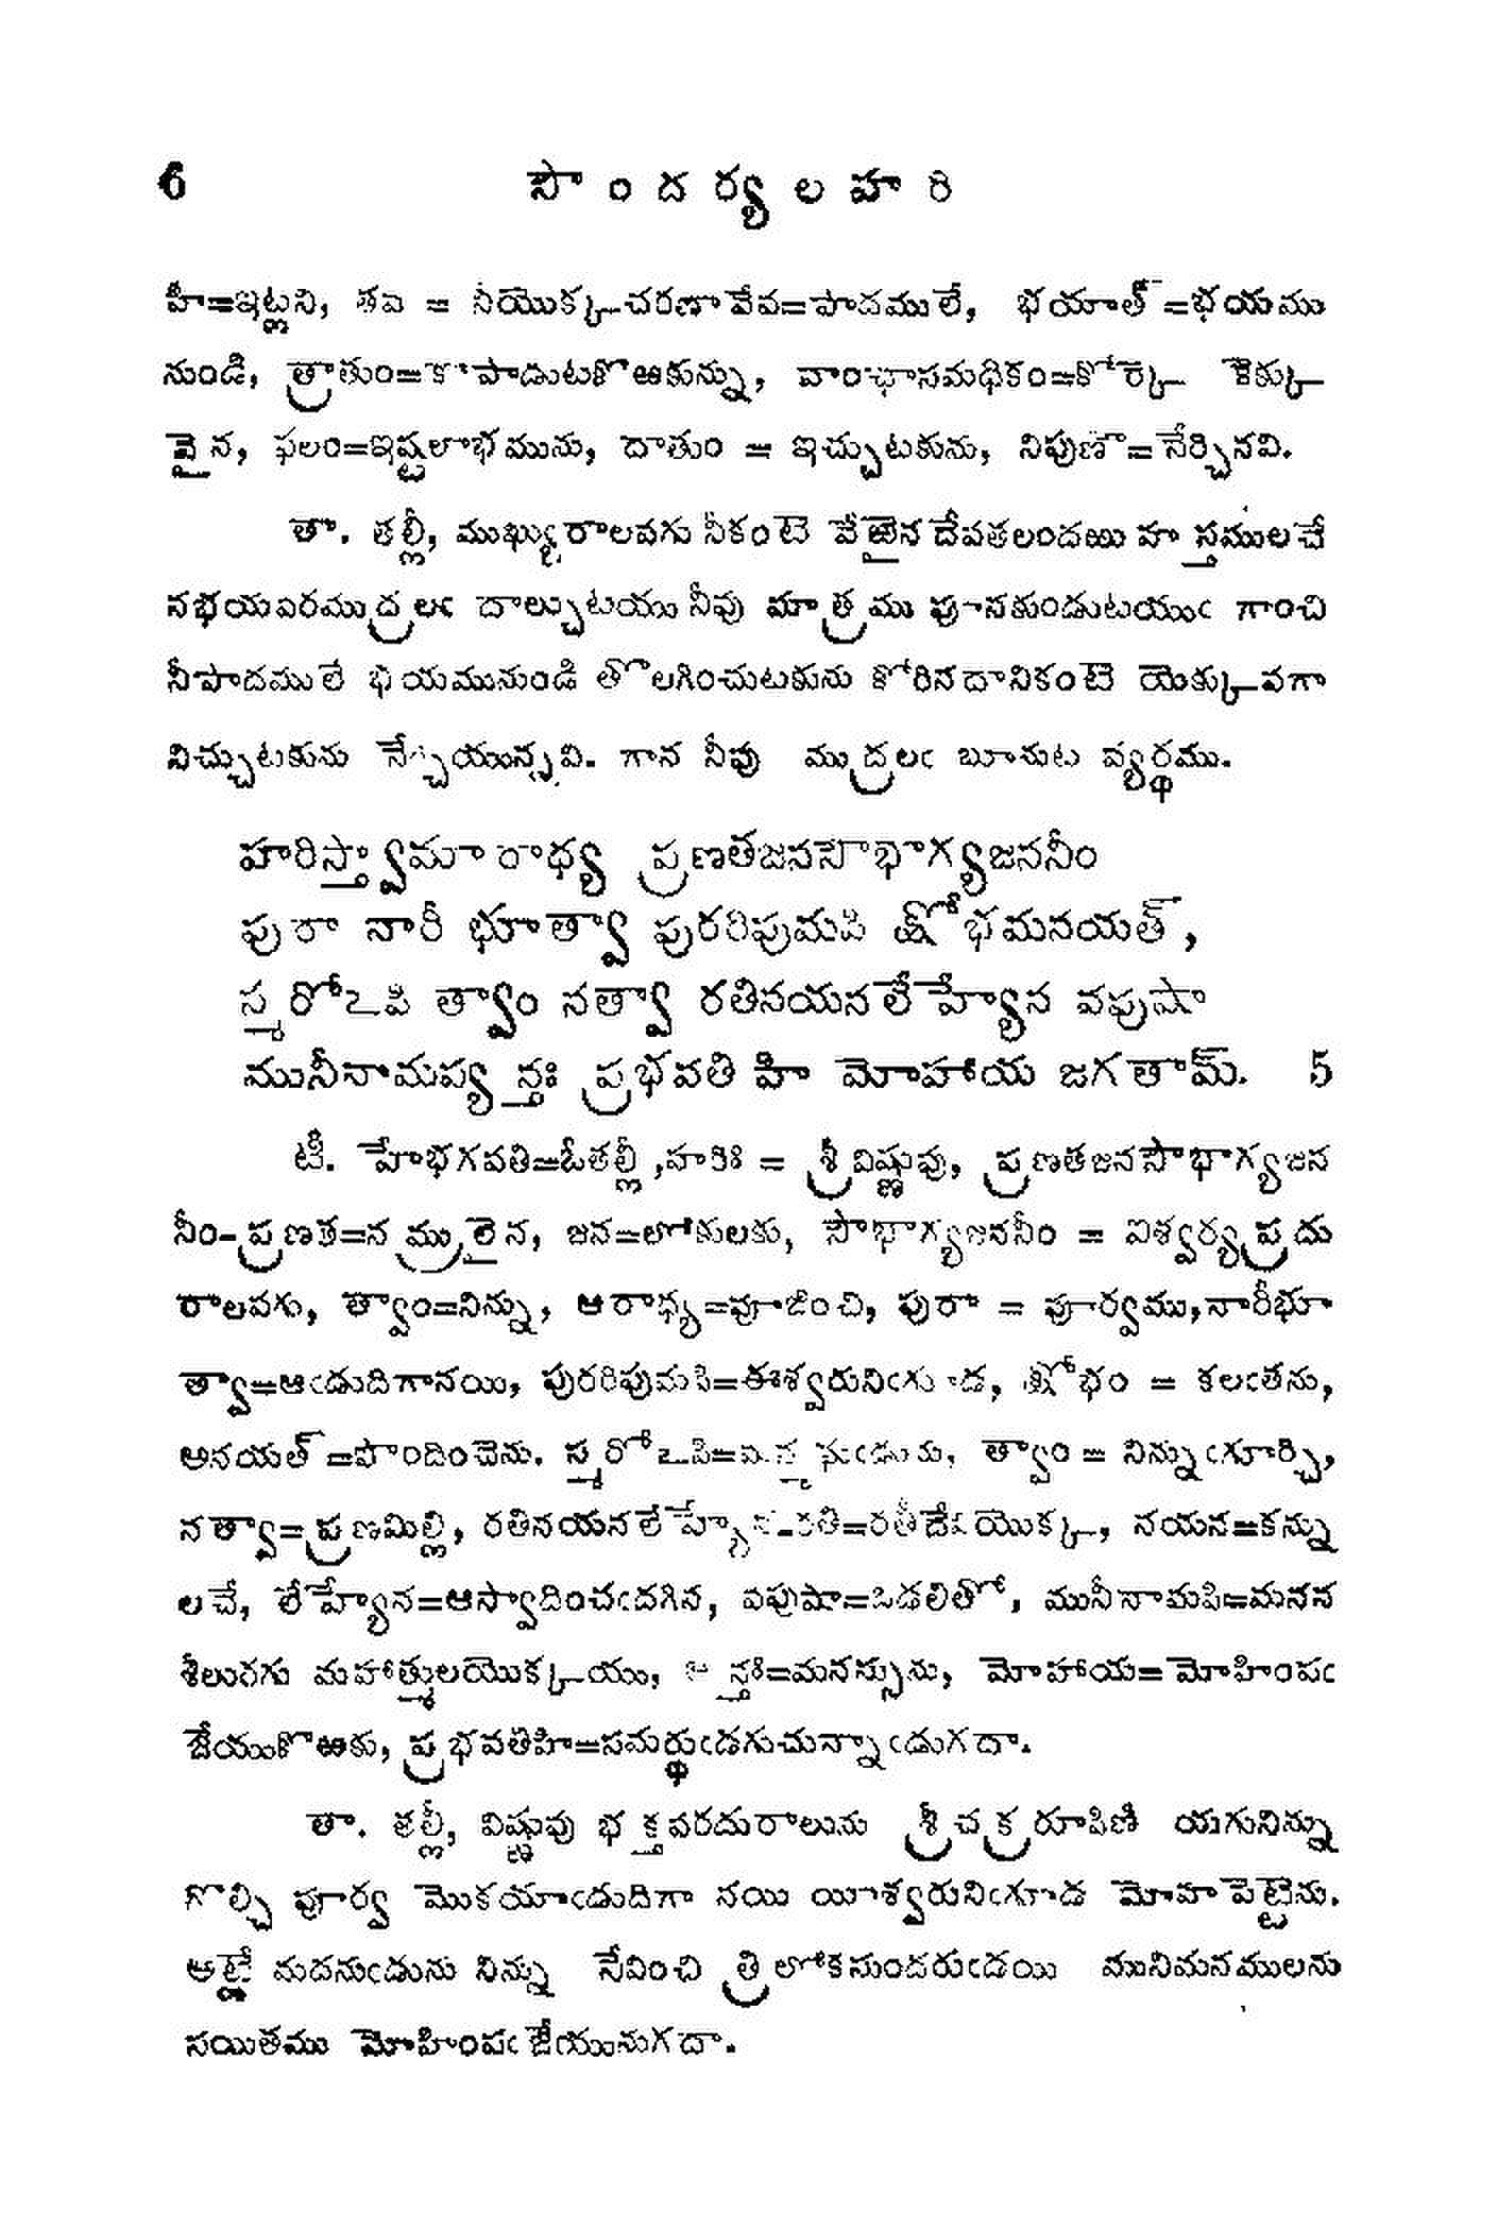హి = ఇట్లని, తవ = నీయొక్క, చరణావేవ = పాదములే, భయాత్ = భయమునుండి, త్రాతుం = కాపాడుటకొఱకున్ను, వాంఛాసమధికం = కోర్కె కెక్కువైన, ఫలం = ఇష్టలాభమును, దాతుం = ఇచ్చుటకును, నిపుణౌ = నేర్చినవి.

తా. తల్లీ, ముఖ్యురాలవగు నీకంటె వేఱైన దేవతలందఱు హస్తములచే నభయపరముద్రలఁ దాల్చుటయునీవు మాత్రము పూనకుండుటయుఁ గాంచి నీపాదములే భయమునుండి తొలగించుటకును కోరినదానికంటె యెక్కువగా నిచ్చుటకును నేర్చియున్నవి. గాన నీవు ముద్రలఁ బూనుట వ్యర్థము.

హరిస్త్వామారాధ్య ప్రణతజనసౌభాగ్యజననీం
పురా నారీ భూత్వా పురరిపుమపి క్షోభమనయత్,
స్మరో౽పి త్వాం నత్వా రతినయనలేహ్యేన వపుషా
మునీనామప్యన్తః ప్రభవతి హి మోహాయ జగతామ్. 5
టీ. హేభగవతి = ఓతల్లీ, హరిః = శ్రీవిష్ణువు, ప్రణతజనసౌభాగ్యజననీం-ప్రణత = నమ్రులైన, జన = లోకులకు, సౌభాగ్యజననీం = ఐశ్వర్యప్రదురాలవగు, త్వాం = నిన్ను, ఆరాధ్య = పూజించి, పురా = పూర్వము, నారీభూత్వా = ఆఁడుదిగానయి, పురరిపుమపి = ఈశ్వరునిఁగూడ, క్షోభం = కలఁతను, అనయత్ = పొందించెను. స్మరో౽పి = మన్మథుఁడును, త్వాం = నిన్నుఁగూర్చి, నత్వా = ప్రణమిల్లి, రతినయనలేహ్యేన-రతి = రతీదేవియొక్క, నయన = కన్నులచే, లేహ్యేన = ఆస్వాదించఁదగిన, వపుషా = ఒడలితో, మునీనామపి = మననశీలురగు మహాత్ములయొక్కయు, అన్తః = మనస్సును, మోహాయ = మోహింపఁజేయుకొఱకు, ప్రభవతిహి = సమర్థుఁడగుచున్నాఁడుగదా.

తా. తల్లీ, విష్ణువు భక్తవరదురాలును శ్రీచక్రరూపిణి యగునిన్ను గొల్చి పూర్వ మొకయాఁడుదిగా నయి యీశ్వరునిఁగూడ మోహపెట్టెను. అట్లే మదనుఁడును నిన్ను సేవించి త్రిలోకసుందరుఁడయి మునిమనములను సయితము మోహింపఁజేయునుగదా.